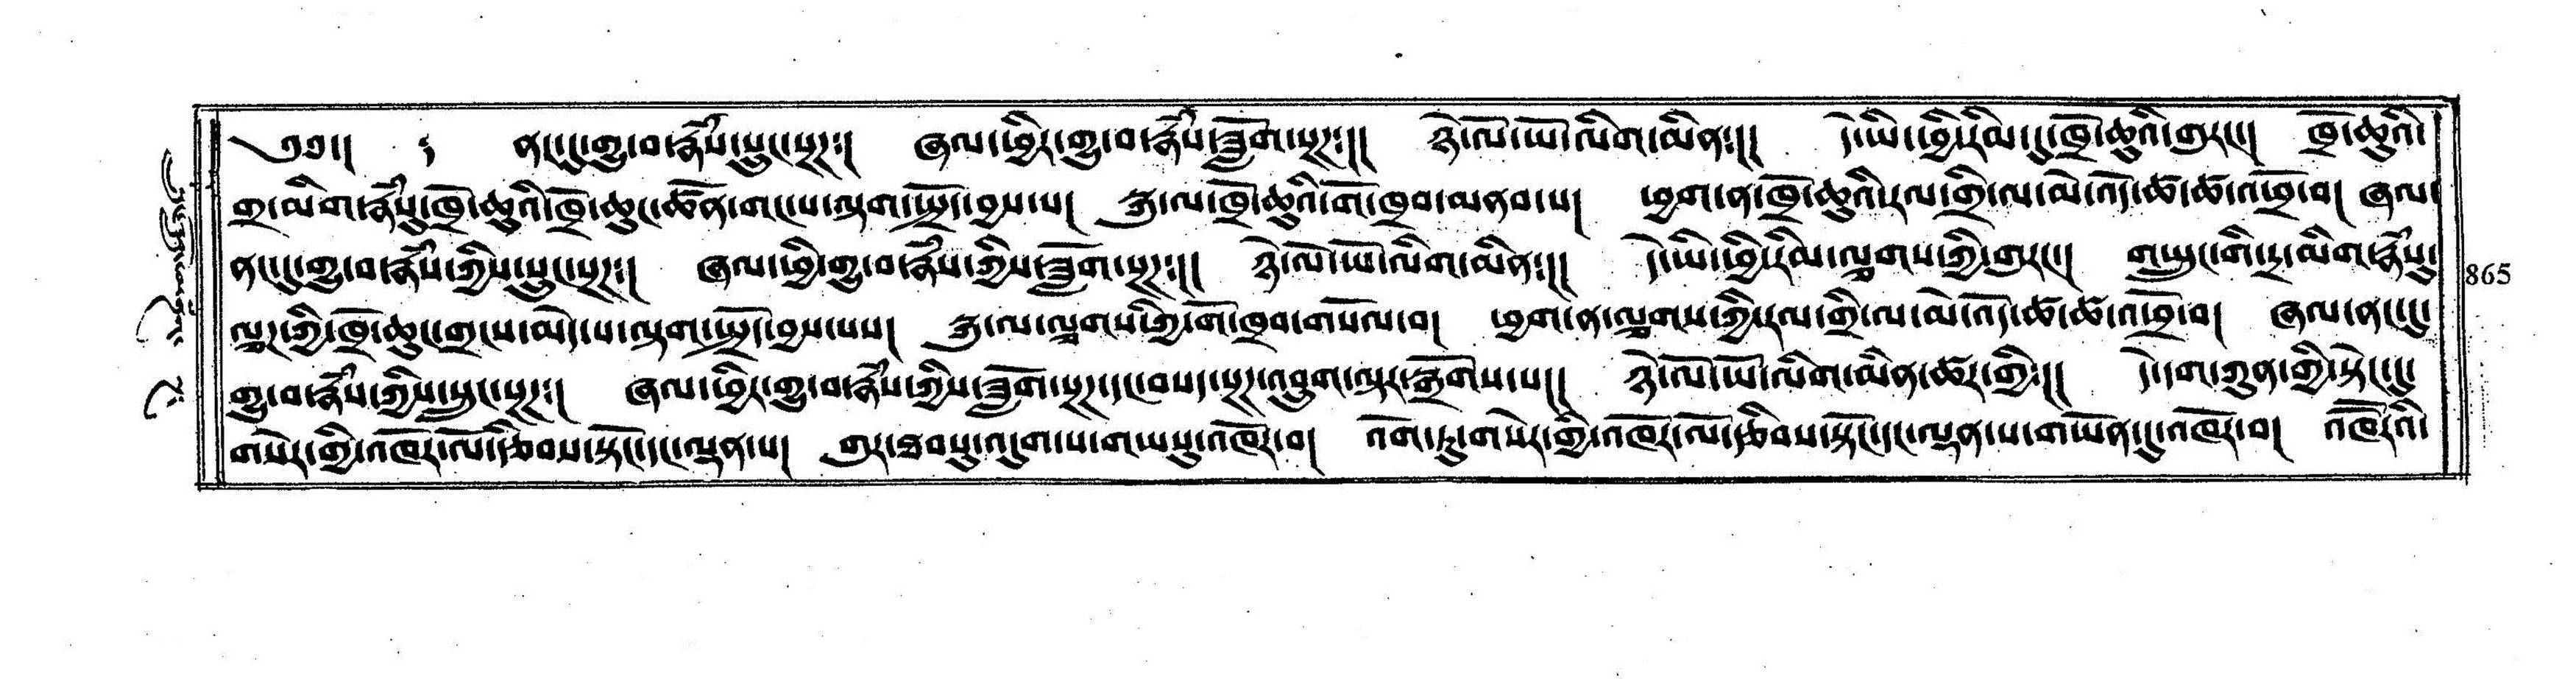ནང་དུ་གྱུ་བ་རྣམས་སྲུང་སྔགས༴།། ཞལ་ཕྱིར་གྱུ་བ་རྣམས་ཟློག་སྔགས༴།། ཉེ་ལོ་ཡོ་ལིག་མིན༴།། དེ་ཡི་ཕྱི་རིམ་དུ་ཁྲོ་ཆུའི་གུར་ཁང་། ཁྲོ་ཆུའི་
གྲ་མིག་རྣམས་སུ་ཁྲོ་ཆུའི་ཁྲོ་ཆུང་ཚོན་གང་བ་ལྟག་སྤྲོད་བྱས་པ། སྐུ་ལ་ཁྲོ་ཆུའི་གོ་ཁྲབ་མནབ་པ། ཕྱག་ན་ཁྲོ་ཆུའི་རལ་གྲི་ལ་མེ་འོད་ཚ་ཚ་འཕྲོ་བ། ཞལ་
ནང་དུ་གྱུ་བ་རྣམས་ཀྱིས་སྲུང་སྔགས༴། ཞལ་ཕྱི་གྱུ་བ་རྣམས་ཀྱིས་ཟློག་སྔགས༴།། ཉེ་ལོ་ཡོ་ལིག་མིན༴།། དེ་ཡི་ཕྱི་རིམ་ལྕགས་ཀྱི་གུར་ཁང་། གཡུང་དྲུང་གི་དྲ་མིག་རྣམས་སུ་
ལྕགས་ཀྱི་ཁྲོ་ཆུང་གྲངས་མེད་པ་ལྟག་སྤྲོད་བྱས་པས། སྐུ་ལ་ལྕགས་ཀྱི་གོ་ཁྲབ་གསོལ་བ། ཕྱག་ན་ལྕགས་ཀྱི་རལ་གྲི་ལ་མེ་འོད་ཚ་ཚ་འཕྲོ་བ། ཞལ་ནང་དུ་
གྱུ་བ་རྣམས་ཀྱིས་སྲུང་སྔགས༴། ཞལ་ཕྱིར་གྱུ་བ་རྣམས་ཀྱིས་ཟློག་སྔགས་དང་བསད་སྔགས་འབྲུག་ལྟར་སྒྲོགས་པ།། ཉེ་ལོ་ཡོ་ལིག་མིན་ཚར་གྱི༴།། དེ་དག་ཀུན་གྱི་སྟེང་དུ་
གསེར་གྱི་འཁོར་ལོ་རྩིབས་སྟོང་དང་ལྡན་པ། གུར་ཐབས་སུ་འདུག་པ་གཡས་སུ་འཁོར་བ། འོག་ཏུ་གསེར་གྱི་འཁོར་ལོ་རྩིབས་སྟོང་དང་ལྡན་པ་གཡོན་དུ་འཁོར་བ། འཁོར་ལོའི་